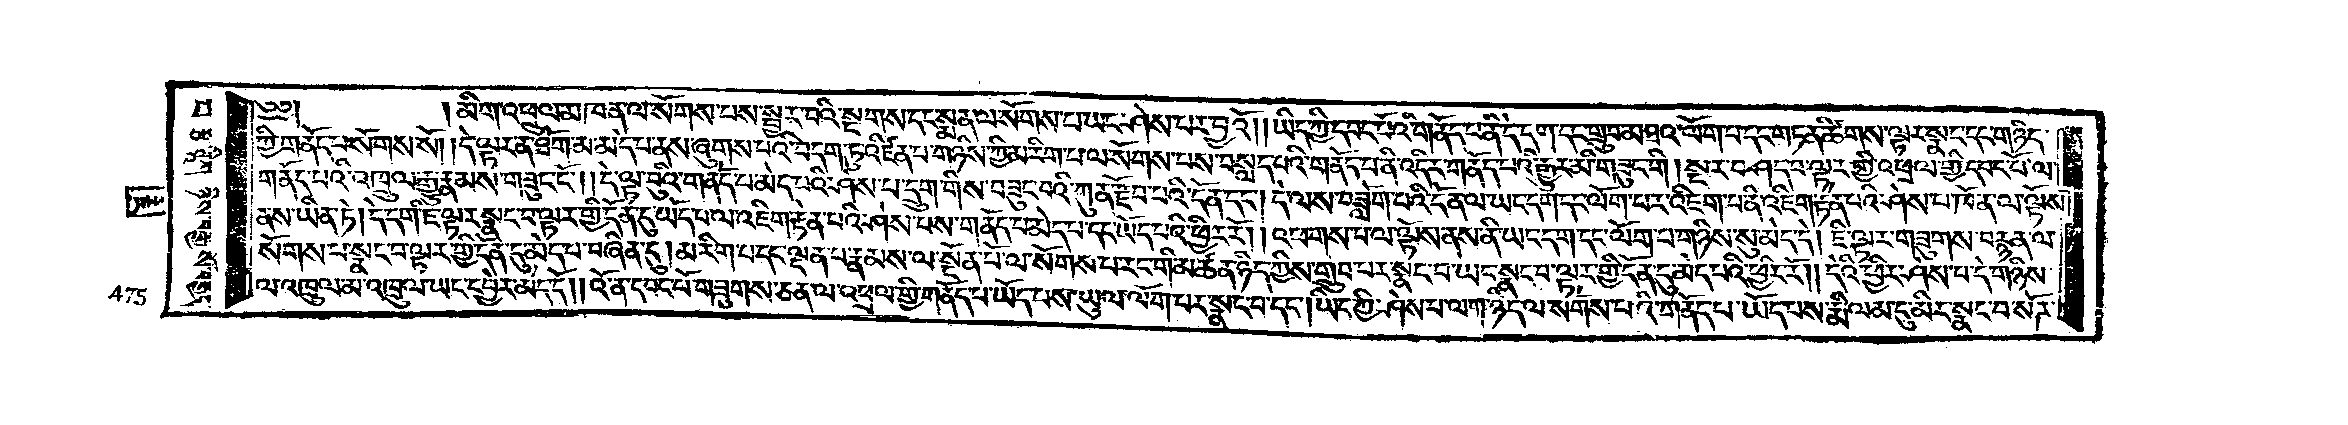༄༅། །མིག་འཕྲལ་མཁན་ལ་སོགས་པས་སྦྱར་བའི་སྔགས་དང་སྨན་ལ་སོགས་པ་ཡང་ཤེས་པར་བྱའོ། །ཡིད་ཀྱི་དབང་པོའི་གནོད་པ་ནི་དེ་དག་དང་གྲུབ་མཐའ་ལོག་པ་དང་གཏན་ཚིགས་ལྟར་སྣང་དང་གཉིད་
ཀྱི་གནོད་པ་སོགས་སོ། །དེ་ལྟར་ན་ཐོག་མ་མེད་པ་ནས་ཞུགས་པའི་བདག་ཏུ་འཛིན་པ་གཉིས་ཀྱི་མ་རིག་པ་ལ་སོགས་པས་བསླད་པའི་གནོད་པ་ནི་འདིར་གནོད་པའི་རྒྱུར་མི་གཟུང་གི། སྔར་བཤད་པ་ལྟར་གྱི་འཕྲལ་གྱི་དབང་པོ་ལ་
གནོད་པའི་འཁྲུལ་རྒྱུ་རྣམས་གཟུང་ངོ། །དེ་ལྟ་བུའི་གནོད་པ་མེད་པའི་ཤེས་པ་དྲུག་གིས་བཟུང་བའི་ཀུན་རྫོབ་པའི་དོན་དང་། དེ་ལས་ལོག་པའི་དོན་ལ་ཡང་དག་དང་ལོག་པར་འཇོག་པ་ནི་འཇིག་རྟེན་པའི་ཤེས་པ་ཁོ་ན་ལ་ལྟོས་
ཕྱིར་རོ། །དེའི་ཕྱིར་ཤེས་པ་དེ་གཉིས་ལ་འཁྲུལ་མ་འཁྲུལ་འཇིག་རྟེན་པའི་ཤེས་པས་གནོད་པ་མེད་པ་དང་ཡོད་པའི་ཕྱིར་རོ། །འཕགས་པ་ལ་ལྟོས་ནས་ནི་ཡང་དག་དང་ལོག་པ་གཉིས་སུ་མེད་དེ། ཇི་ལྟར་གཟུགས་བརྙན་ལ་
སོགས་པ་སྣང་བ་ལྟར་གྱི་དོན་དུ་མེད་པ་བཞིན་དུ། མ་རིག་པ་དང་ལྡན་པ་རྣམས་ལ་སྔོན་པོ་ལ་སོགས་པ་རང་གི་མཚན་ཉིད་ཀྱིས་གྲུབ་པར་སྣང་བ་ཡང་སྣང་བ་ལྟར་གྱི་དོན་དུ་མེད་པའི་ཕྱིར་རོ། །དེའི་ཕྱིར་ཤེས་པ་དེ་གཉིས་
ལ་འཁྲུལ་མ་འཁྲུལ་ཡང་དབྱེར་མེད་དོ། །འོ་ན་དབང་པོ་གཟུགས་ཅན་ལ་འཕྲལ་གྱི་གནོད་པ་ཡོད་པས་ཡུལ་ལོག་པར་སྣང་བ་དང་། ཡིད་ཀྱི་ཤེས་པ་ལག་ཉིད་ལ་སོགས་པའི་གནོད་པ་ཡོད་པས་རྨི་ལམ་དུ་མིར་སྣང་བ་སོཌ་